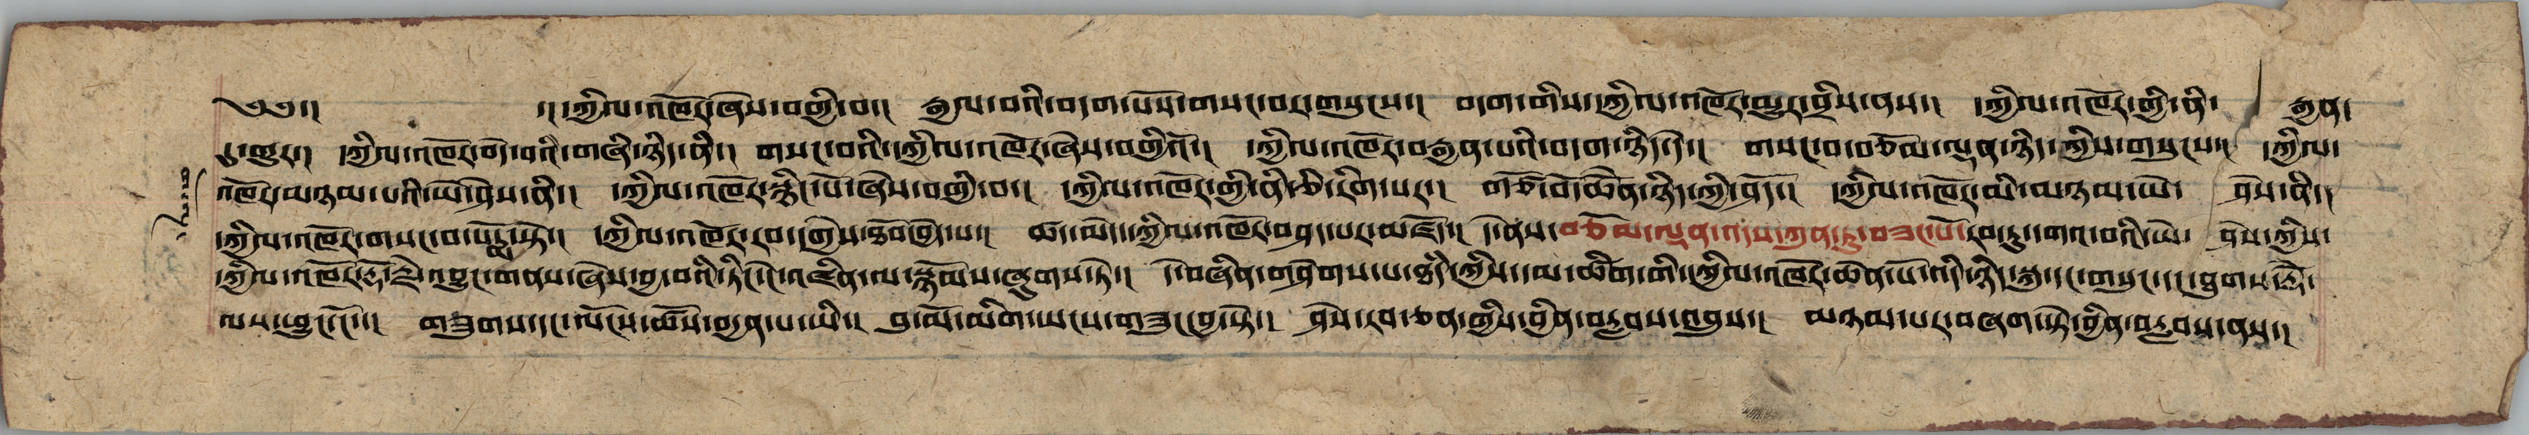༄༅་། ་།དཀྱིལ་འཁོར་ཞེས་བགྱི་བ་། རྒྱལ་བའི་བདག་པོས་གསང་བར་གསུངས་། བདག་གིས་དཀྱིལ་འཁོར་མྱུར་བྲིས་ནས་། དཀྱིལ་འཁོར་གྱི་ནི་ རྒྱན་
དུ་གྱུར་། དཀྱིལ་འཁོར་བདེ་བའི་གཞི་ཉིད་ནི་། གསང་བའི་དཀྱིལ་འཁོར་ཞེས་བགྱིའོ་། དཀྱིལ་འཁོར་བརྒྱན་པའི་བདག་ཉིད་དེ་། གསང་བ་བཅོམ་ལྡན་ཉིད་ཀྱིས་གསུངས་། དཀྱིལ་
འཁོར་མཉམ་པའི་ཡེ་ཤེས་ནི་། དཀྱིལ་འཁོར་སྙིང་པོ་ཞེས་བགྱི་བ་། དཀྱིལ་འཁོར་གྱི་ནི་ཅི་རིག་པར་། གཙོ་བོ་ཆེནོ་ཉིད་ཀྱི་ཤོད་། དཀྱིལ་འཁོར་མི་མཉམ་ཡེ་ ཤེས་ནི་།
དཀྱིལ་འཁོར་གསང་བ་པདྨོ་སྟེ་། དཀྱིལ་འཁོར་རབ་དགྱེས་ཐོབ་བྱེད་པ་། ཚད་མེད་དཀྱིལ་འཁོར་བཤད་པར་མཛོད་། དེ་ནས་བཅོམ་ལྡན་འདས་ཀུན་ཏུ་བཟང་པོ་རབ་ཏུ་དགའ་བའི་ཡེ་ ཤེས་ཀྱིས་
དཀྱིལ་འཁོར་རྡོ་རྗེ་འབྱུང་གནས་ཞེས་བྱ་བའི་ཏིང་ངེ་འཛིན་ལ་སྙོམས་པར་ཞུགས་ཏེ་། དེ་བཞིན་གཤེགས་པ་ཐཾད་ཀྱིས་དམ་ཚིག་གི་དཀྱིལ་འཁོར་ཆེན་པོ་འདི་ཉིད་སྐུ་དང་གསུང་དང་ཐུགས་རྡོེ་
ལས་ཕྱུང་ངོ་་། གཟུགས་ལོངས་ཚོས་བདྱན་པ་ཡི་། བུ་མོ་མིག་ཡངས་གཟུང་བྱ་སྟེ་། ཤེས་རབ་ཅན་གྱིས་བྱིན་བརླབས་འབྲུས་། མཉམ་པར་བཞག་སྟེ་བྱིན་བརླབས་ནས་།